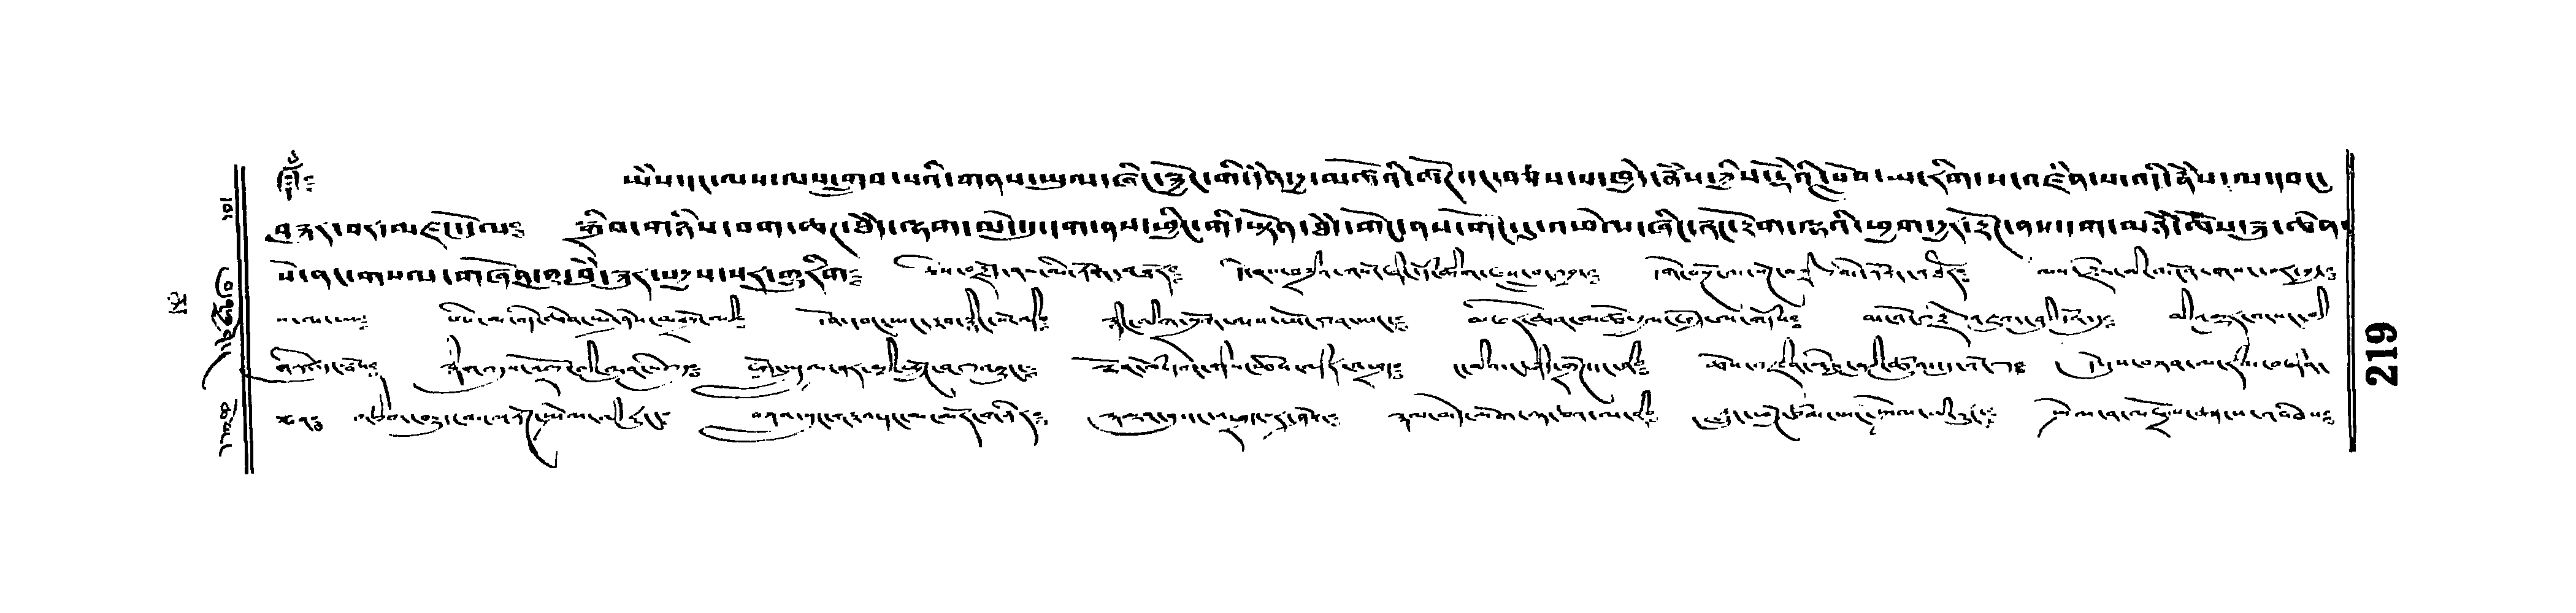ཡེ་ཤེས་དང་ལས་ལས་གྲུབ་པའི་གནས་ཡུལ་ཞིང་སྐྱོང་གི་དམ་ཅན་རྒྱ་མཚོའི་ཚོགས་དང་བཅས་པ་ཁྱེད་རྣམས་ཀྱིས་རྡོ་རྗེའི་སློབ་མ་རིག་པ་འཛིན་པ་འདི་རྣམས་ལ་དབང་
བསྐུར་བར་མཛད་དུ་གསོལ༔ སྒྲིབ་གཉིས་བག་ཆགས་ཐམས་ཅད་ལྷག་མེད་དུ་དག་ནས་ཕྱི་ནང་གི་ཡོན་ཏན་ཐམས་ཅད་གོང་ནས་གོང་དུ་འཕེལ་ཞིང་སྣང་རྟོག་ལྷའི་ཕྱག་རྒྱར་རྟོགས་ནས་དག་མཉམ་ཆོས་སྐུ་ཆེན་
པོ་ནང་གསལ་གཞོན་ནུ་བུམ་སྐུར་སངས་རྒྱས་པར་གྱུར་ཅིག༔ ཅེས་བརྗོད་ནས་མེ་ཏོག་འཐོར༔ དེ་ནས་བཀའ་དྲིན་གསོ་ཞིང་དམ་ཚིག་ཁས་བླངས་བྱ༔ དགེ་བསྔོ་ལ་སོགས་བཀྲ་ཤིས་མེ་ཏོག་འཐོར༔ལས་རྗེས་མི་མངོན་གསང་བར་བྱ༔ 
ས་མ་ཡ༔ ཨེ་མ་བདེ་ཆེན་ཡེ་ཤེས་མཁའ་འགྲོ་ཡི༔ དོན་དབང་ཡང་ཟབ་སྙིང་པོ་འདི༔ སྙིང་མིག་སྲོག་ལས་ཕོངས་ན་ཡང༔ མཁར་ཆེན་མཚོ་རྒྱལ་ཁྱོད་ལ་གདམས༔ མ་འོངས་རྗེས་འཇུག་བུའི་དོན་དུ༔ མི་འགྱུར་གསང་བའི་
གཏེར་དུ་སྦོས༔ སྙིགས་འདུས་འགྲོ་བའི་མུན་སེལ་དུ༔ ཁྱོ་སྤྲུལ་ཤར་གྱི་ཕྱོགས་ནས་འབྱུང༔ སྨོན་ལམ་དབང་གིས་ཆོས་འདིར་འཕྲད༔ ང་མིན་ང་ཉིད་གྲོགས་དང་ནི༔ ཆོས་འཛིན་སྐྱེས་བུའི་ཚུལ་དུ་འོང༔ དེ་དུས་བསྟན་ལ་རིམ་བཞིན་
སྨན༔ གཅིག་བརྒྱུད་མ་གཏོགས་སྤེལ་མི་རུང༔ བཀའ་སྲུང་གཟའ་དང་མ་མོར་གཉེར༔ སྐལ་ལྡན་བུ་དང་འཕྲད་པར་ཤོག༔ སྐལ་མེད་ལོག་ལྟ་ཅན་ལ་ནི༔ རླུང་ཕྱོགས་ཙམ་ཡང་སྤེལ་མི་རུང༔ སྤེལ་ན་མཁའ་འགྲོས་ཆད་པ་འབེབས༔